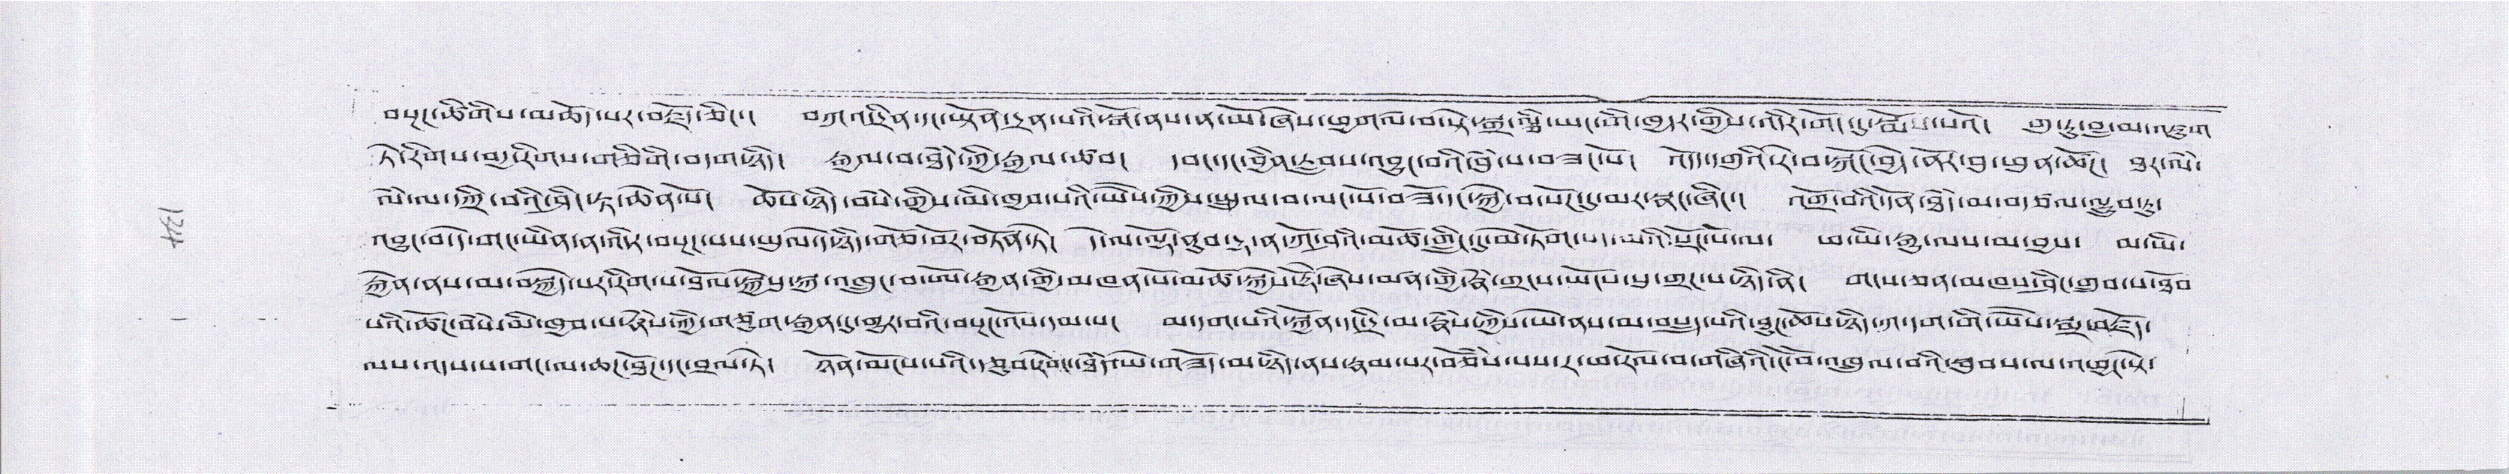བསྔགས་ཚིག་གིས་མཆོད་པར་བརྗོད་ཅིང་། བཀའ་དྲིན་དང་ཡོན་ཏན་དྲན་པའི་སྒོ་ནས་ན་མོ་ཞེས་ཕྱག་འཚལ་བ་སྟེ་སྒྲ་ལྕི་ཡང་གི་ཁྱད་པར་གྱིས་འདིར་གོང་དུ་སྨོས་པའོ། གུ་རུ་བླ་མ་ལ་འཇུག་
སྟེ་རིགས་བརྒྱ་དང་རིགས་གཅིག་གི་བདག་ཉིད་རྒྱལ་བ་ཐམས་ཅད་ཀྱི་རྒྱལ་ཚབ། དབང་དང་བྱིན་རླབས་འབྱུང་བའི་བུམ་པ་བཟང་པོ། འདོད་དགུའི་རེ་བ་སྐོང་བྱེད་ནོར་བུ་ཕུན་ཚོགས། ཐར་ལམ་
ལ་དཀྲི་བའི་ཤིང་རྟ་ཆེན་པོ། ཆོས་ཉདི་བསམ་གྱིས་མི་ཁྱབ་པའི་ཡེ་ཤེས་ཀྱིས་སྤྲུལ་པ་མང་པོ་བཟོ་དང་སྐྱེ་བ་སོགས་དུ་མར་སྣང་ཞིང་། འགྲོ་བའི་དོན་ཐམས་ཅད་མ་བརྩལ་ལྷུན་གྲུབ་ཏུ་
འབྱུང་བ་དེ་གང་ཡིན་ན་དེ་འདིར་བསྔགས་པས་ཡུལ་དེ་ཉིད་གཙོ་བོར་བཏོན་ཏེ། དེ་ལ་ལྷོ་ནུབ་དྷ་ན་ཀོ་ཤའི་མཚོ་གླིང་དུ། མེ་ཏོག་པདྨའི་སྡོང་པོ་ལ། ཕ་ཡི་རྒྱུ་ལས་མ་བྱས། མ་ཡི་
རྐྱེན་ལས་མ་བསྐྱེད་པར་རིག་པ་ཐལ་སྐྱེས་སུ་སྐུ་འཁྲུངས་པ་ཨོ་རྒྱན་གྱི་མཁན་པོ་མཚོ་སྐྱེས་རྡོ་རྗེ་ཞེས་མཚན་གྱི་རྣམ་གྲངས་ཡོངས་སུ་གྲགས་པ་དེ་ཉིད་ནི། གངས་ཅན་མཁས་ཤིང་གྲུབ་པ་ཐོབ་
པའི་ཚོགས་བསམ་གྱིས་མི་ཁྱབ་པ་རྣམས་ཀྱི་གཙུག་རྒྱན་དུ་གྱུར་པའི་བསྔགས་འོས་དམ་པ། མ་དག་པའི་སྐྱོན་དང་དྲི་མ་རྣམས་ཀྱིས་ཡེ་ནས་མ་བསླད་པའི་ཐུགས་ཆོས་ཉིད་ཀ་དག་གི་ཡེ་ཤེས་སྨྲ་བརྗོད་
ལས་འདས་པ་གང་ལ་ཆགས་ཐོགས་དང་བྲལ་ཏེ། ཉོན་མོངས་པའི་རྩུབ་རེག་ཐམས་ཅད་ཡེ་བཟོད་མ་ཉིད་ནས་རྣམ་པར་བཅོམ་པས་ཕ་རོལ་པ་གཞིའི་ངོ་བོ་འཁྲུལ་པའི་སྦུབས་ནས་ལ་འཕྱང་སྟེ་